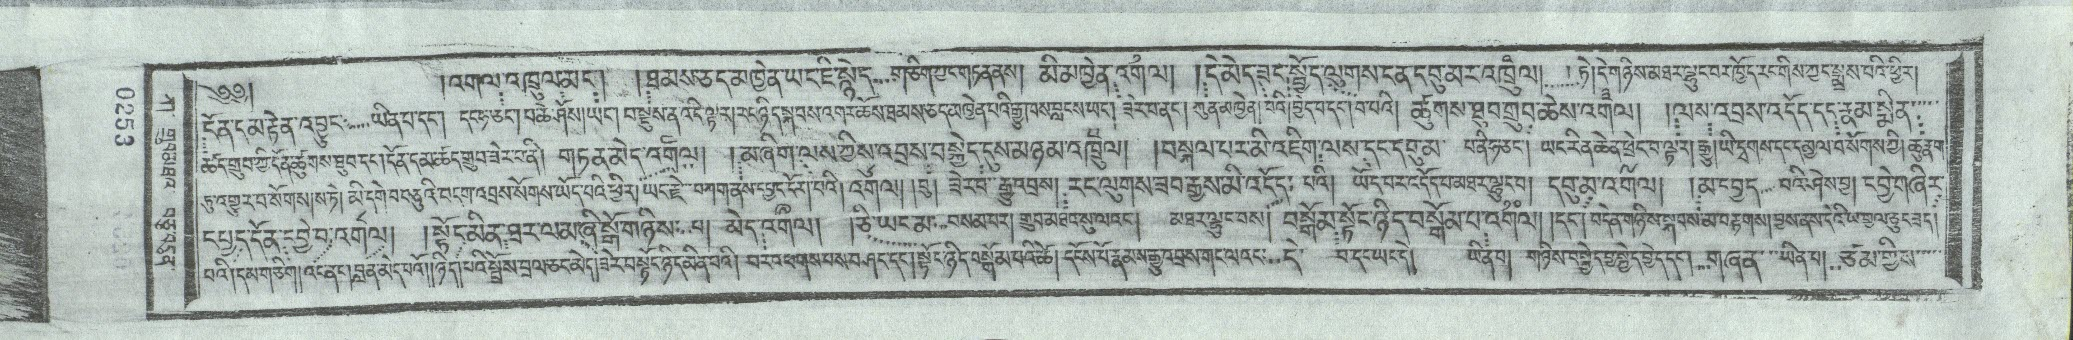༄༅། །འགལ་འཁྲུལ་མང་། །ཐམས་ཅད་མཁྱེན་ཡང་ཇི་སྙེད་གཅིག་ཀྱང་གཏན་ནས། མི་མཁྱེན་འགལ། །དེ་མེད་ཟང་སྦྱོད་ལུགས་ངན་རྣ་དབུ་མར་འཁྲུལ། །ཏེ། དེ་གཉིས་མཐར་ལྷུང་བག་ཁྱོད་རང་གིས་ཀྱང་སྨྲས་པའི་ཕྱིར།
དོན་དམ་རྟེན་འབྱུང་ཡིན་པ་དང་། དང་ཧ་ཅང་། བྖེ་ཤོས། ཡང་། བསྡུས་ན་འདི་ལྟར། རང་ཉིད་སྐབས་འགས་ཆོས་ཐམས་ཅད་འཁྱེན་པའི་རྒྱུ་ཁང་བླངས་ཡང་། ཟེར་བ་ནང་། ཀུན་མཁྱེན། པའི་ཁྱད་བདག་པ་པའི། ཚུགས་ཐུབ་གྲུབ་ཆེས་འགལ། །ལས་འབྲས་འདོད་དད་རྣམ་སྨིན་
ཚད་གྲུབ་ཀྱི་དོན་ཚུགས་ཐུབ་དང་། དོན་དམ་ཚད་གྲུབ་ཟེར་བ་ནི། གཏན་མེད་འགལ། །མ་ཞིག་ལས་ཀྱིས་འབྲས་བསྐྱེད་དུས་མཉམ་འཁྲུལ། །བསྐལ་པར་མི་འཇིག་ལས་དང་དབུ་མ་བ་ནི་ཧ་ཅང་། ཡང་རིན་ཆེན་ཕྲེང་བ་ལྟག་རྒྱུ། ཡི་དྭགས་དང་དམྱལ་བསོམས?་ཀྱི། ཆ་རྣས?
དུ་འགྱུར་བ་སོགས། ཏེ། མིད་གེ་བ་བཅུའི་བདག་འབྲས་སོགས་ཡོད་པའི་ཕྱིར། ཡང་རྗེ་བཀག་ན་ནས་དཔྱང་དོག་པའི། འགལ། །བུ། ཟེར་བ་རྒྱ་འབྲས། རང་ལུགས་ཟབ་རྒྱས་མི་འདོད་པའི། ཡོད་པར་འདོད་པ་མཐར་ལྷུང་བ། དབུ་མ་འགལ། །མྱ་དཔྱད་པའི་ཤེས་བྱ། དབྱེ་གཞིར་
དཔྱད་དོན་དབྱེ་བ་འགལ། །སྟོང་མིན་ཐར་ལམ་ཞི་སྒོ་གཉིས་བ། མེད་འགལ། ཅི་ཡང་མ་བསམ་པར། གྲུབ་མཐའ་སུ་ལའང་། མཐར་ལྷུང་བས། བསྒོམ་སྟོང་ཉིད་བསྒོམ་པ་འགལ། །དང་། བདེན་གཉིས་སྐབས་མ་བརྟགས། བྱས་ནས་དེའི་ཡ་བལ་དྲུང་ཟས།
པའི། དམ་གཅིག །འང་ནང་། བླ་ན་མེད་པའོ། ཉིད། པའི་སྦྲོས་བྲ་ལ་ཅང་མེད། ཟེར་བསྟོང་ཉིད་མིན་པའི། བར་འཕགས་པས་བཤད་དང་། སྟོང་ཉིད་བསྒོམ་པའི་ཚེ། དངོས་པོ་རྣམས་རྒྱུ་འབྲས་གང་ལའང་དེ་བ་དང་ཡང་དེ། ཡིན་པ། གཉིས་འགྱེད་བྱ་སྐྱེད་ཕྱེད་བང་། གཞན་ཡིན་པ། ཙམ་གྱིས་